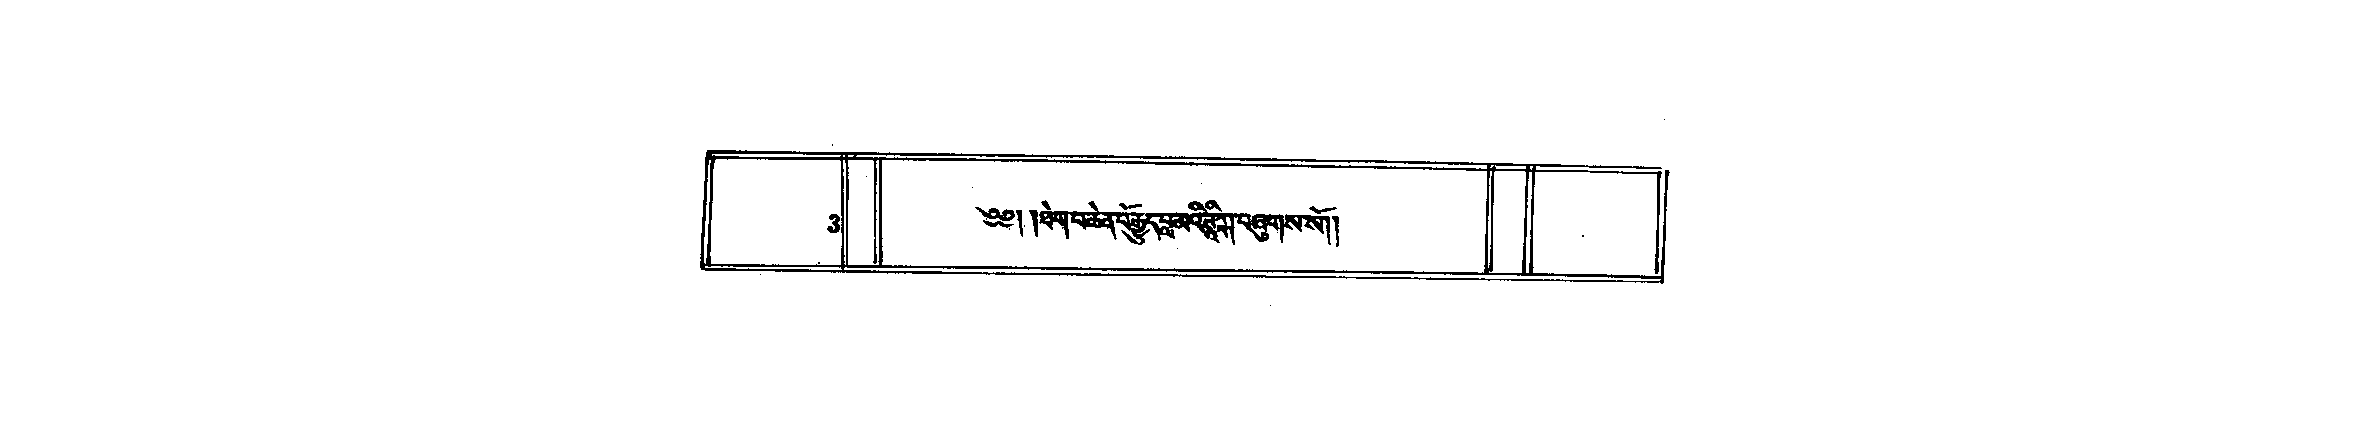༄༅། །ཐེག་པ་ཆེན་པོ་རྒྱུད་བླ་མའི་ཊཱིཀཀ་བཞུགས་སོ། །